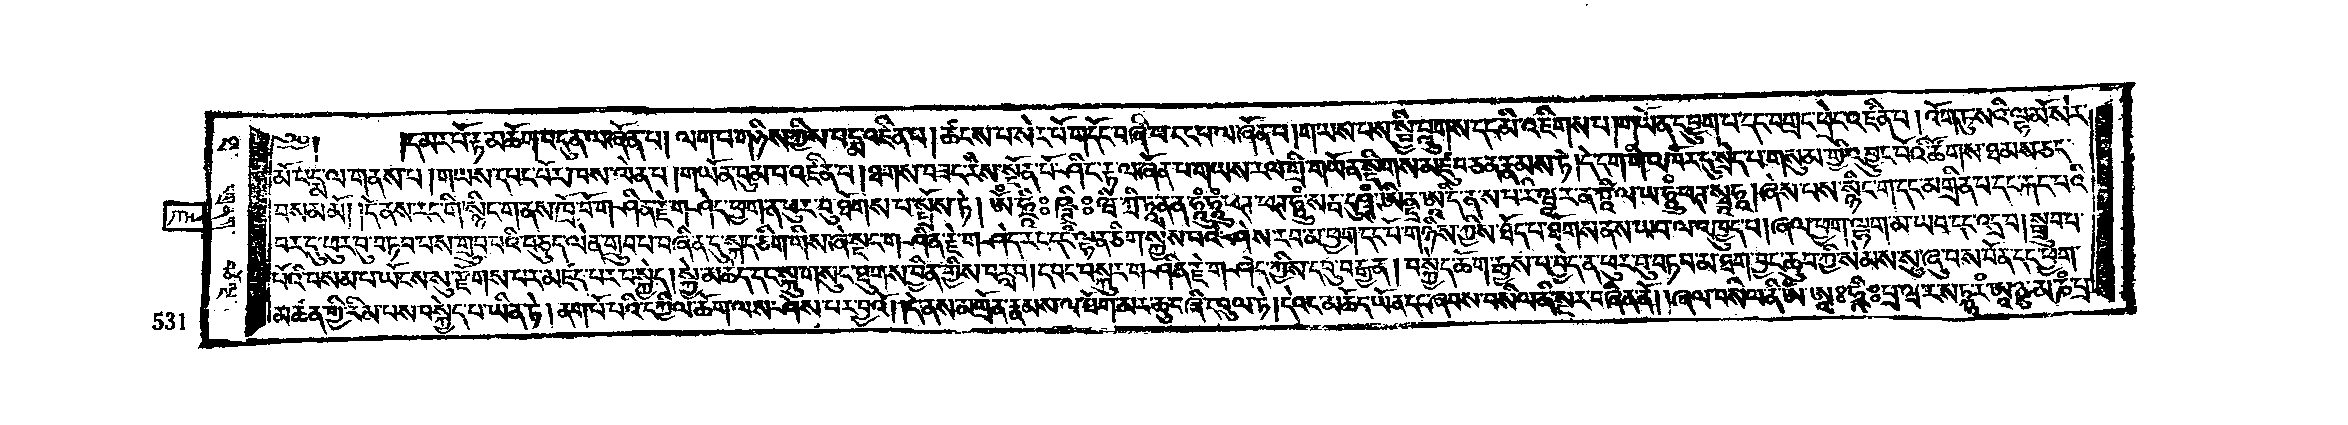༄༅། །དམར་པོ་རྟ་མཆོག་བདུན་ལ་ཞོན་པ། ལག་པ་གཉིས་ཀྱིས་པདམ་འཛིན་པ། ཚངས་པ་སེར་པོ་གདོང་བཞི་པ་ངང་པ་ལ་ཞོན་པ། གཡས་པས་སྤྱི་བླུགས་དང་མི་འཇིགས་པ། གཡོན་དབྱུག་པ་དང་བགྲང་ཕྲེང་འཛིན་པ། འོག་ཏུ་སའི་ལྷ་མོ་སེར་
མོ་པདམ་ལ་གནས་པ། གཡས་དབང་པོར་ཁས་ལེན་པ། གཡོན་བུམ་པ་འཛིན་པ། ཐགས་བཟང་རིས་སྔོན་པོ་ཤིང་རྟ་ལ་ཞོན་པ་གཡས་རལ་གྲི་གཡོན་སྡིགས་མཛུབ་ཅན་རྣམས་ཏེ། དེ་དག་གི་འཁོར་དུ་སྲེད་པ་གསུམ་གྱི་འབྱུང་པོའི་ཚོགས་ཐམས་ཅད་
བསམ་མོ། །དེ་ནས་རང་གི་སྙིང་ག་ནས་ཁྲོ་བོ་གཤིན་རྗེ་གཤེད་ཕྱག་ན་ཕུར་བུ་ཐོགས་པ་སྤྲོས་ཏེ། ཨོཾ་ཧྲཱིཿ ཥྚྲཱིཿ ཝི་ཀྲི་ཏཱ་ན་ན་ཧཱུཾ་ཧཱུཾ་ཕཊ་ཕཊ་ཧཱུཾ་སརྦ་དུཥྚཾ་ཨིནྡྲ་ཨཱ་དི་ན་ས་པ་རི་ཝཱ་ར་ན་ཀཱི་ལ་ཡ་ཧཱུཾ་ཕཊ་སྭཱཧཱ། ཞེས་པས་སྙིང་ག་དང་མགྲིན་པ་དང་རྐང་པའི་
བར་དུ་ཕུར་བུ་བཏབ་པས་གྲུབ་པའི་བཅུད་ལེན་གྲུབ་པ་བཞིན་དུ་སྐད་ཅིག་གིས་ཞེ་སྡང་གཤིན་རྗེ་གཤེད་རང་དང་ལྷན་ཅིག་སྐྱེས་པའི་ཤེས་རབ་མ་ཕྱག་དང་པོ་གཉིས་ཀྱིས་ཐོད་པ་ཐོགས་ནས་ཡབ་ལ་འཁྱུད་པ། ཞལ་ཕྱག་ལྷག་མ་ཡབ་དང་འདྲ་བ། སྒྲུབ་པ་
པོའི་བསམ་པ་ཡོངས་སུ་རྫོགས་པར་མཛད་པར་བསྐྱེད། སྐྱེ་མཆེད་དང་སྐུ་གསུང་ཐུགས་བྱིན་གྱིས་བརླབ། དབང་བསྐུར་གཤིན་རྗེ་གཤེད་ཀྱིས་དབུ་བརྒྱན། བསྐྱེད་ཆོག་རྒྱས་པ་བྱེད་ན་ཕུར་བུ་བཏབ་མ་ཐག་བྱང་ཆུབ་ཀྱི་སེམས་སུ་ཞུ་བ་ས་བོན་དང་ཕྱག་
མཚན་གྱི་རིམ་པས་བསྐྱེད་པ་ཡིན་ཏེ། ནག་པོ་པའི་དཀྱིལ་ཆོག་ལས་ཤེས་པར་བྱའོ། །དེ་ནས་མགྲོན་རྣམས་ལ་ཐོག་མར་ཆུ་བཞི་དབུལ་ཏེ། དེའང་མཆོད་ཡོན་དང་ཞབས་བསིལ་ནི་སྔར་བཞིན་ནོ། །ཞལ་བསིལ་ནི་ཨོཾ་ཨཱཿ ཧྲཱིཿ པྲ་ཝ་ར་སཏྐཱ་རཾ་ཨཱཉྩ་མ་ཎི་པྲ་